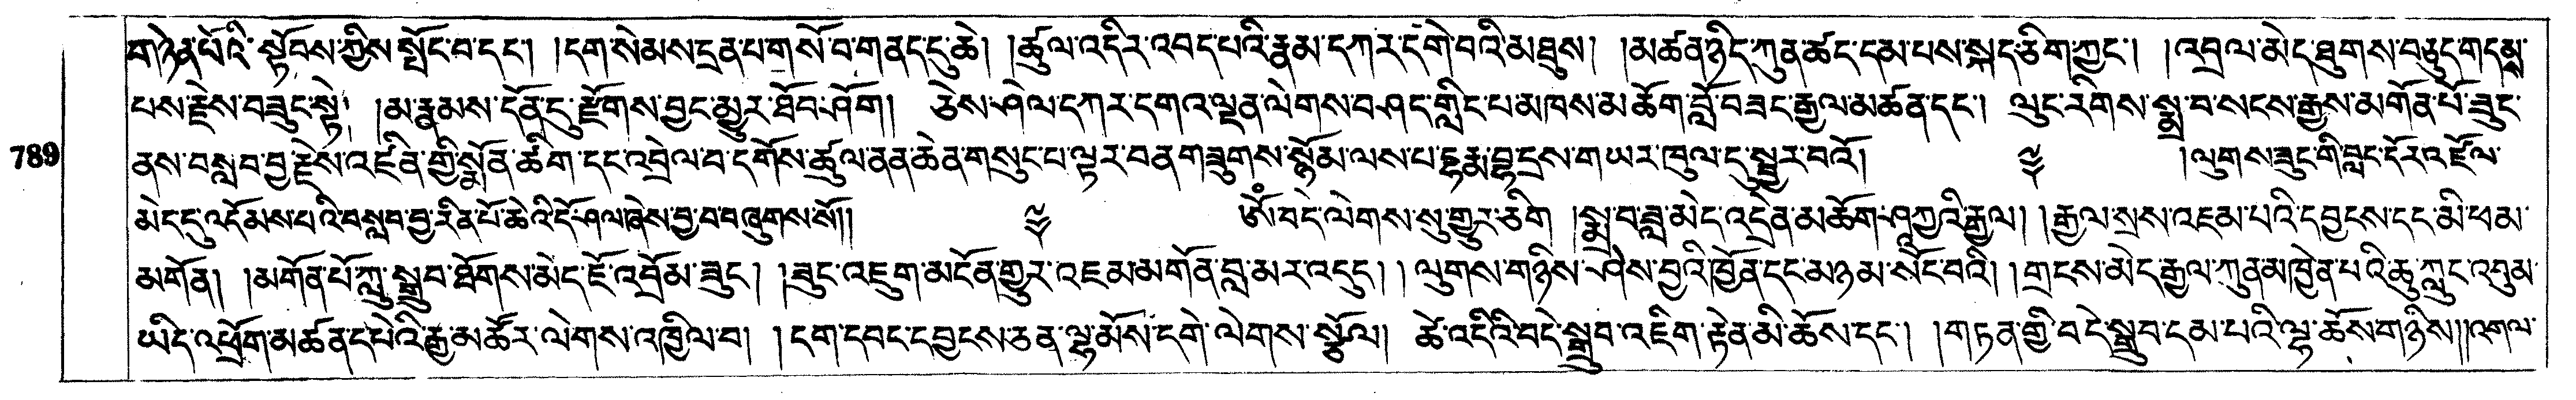གཉེན་པོའི་སྟོབས་ཀྱིས་སྤོང་བ་དང་། །དག་སེམས་དྲན་པ་གསོ་བ་གནད་དུ་ཆེ། །ཚུལ་འདིར་འབད་པའི་རྣམ་དཀར་དགེ་བའི་མཐུས། །མཚན་ཉིད་ཀུན་ཚང་དམ་པས་སྐད་ཅིག་ཀྱང་། །འབྲལ་མེད་ཐུགས་བཅུད་གདམས་
པས་རྗེས་བཟུང་སྟེ། །མ་རྣམས་དོན་དུ་རྫོགས་བྱང་མྱུར་ཐོབ་ཤོག །ཅེས་ཤེལ་དཀར་དགའ་ལྡན་ལེགས་བཤད་གླིང་པ་མཁས་མཆོག་བློ་བཟང་རྒྱལ་མཚན་དང་། ལུང་རིགས་སྨྲ་བ་སངས་རྒྱས་མགོན་པོ་ཟུང་
ནས་བསླབ་བྱ་རྗེས་འཛིན་གྱི་སྨོན་ཚིག་དང་འབྲེལ་བ་དགོས་ཚུལ་ནན་ཆེན་གསུང་པ་ལྟར་བན་གཟུགས་སྙོམ་ལས་པ་དྷརྨ་བྷ་དྲས་གཡར་ཁུལ་དུ་སྦྱར་བའོ། ༈ །ལུགས་ཟུང་གི་བླང་དོར་འཛོལ་
མེད་དུ་འདོམས་པའི་བསླབ་བྱ་རིན་པོ་ཆེའི་དོ་ཤལ་ཞེས་བྱ་བ་བཞུགས་སོ།། ༈ ཨོཾ་བདེ་ལེགས་སུ་གྱུར་ཅིག །སྨྲ་བ་ཟླ་མེད་འདྲེན་མཆོག་ཤཱཀྱའི་རྒྱལ། །རྒྱལ་སྲས་འཇམ་པའི་དབྱངས་དང་མི་ཕམ་
མགོན། །མགོན་པོ་ཀླུ་སྒྲུབ་ཐོགས་མེད་ཇོ་འབྲོམ་ཟུང་། །ཟུང་འཇུག་མངོན་གྱུར་འཇམ་མགོན་བླ་མར་འདུད། །ལུགས་གཉིས་ཤེས་བྱའི་ཁྱོན་དང་མཉམ་སོང་བའི། །གྲངས་མེད་རྒྱལ་ཀུན་མཁྱེན་པའི་ཆུ་ཀླུང་འབུམ་
ཡིད་འཕྲོག་མཚན་དཔེའི་རྒྱ་མཚོར་ལེགས་འཁྱིལ་བ། །ངག་དབང་དབྱངས་ཅན་ལྷ་མོས་དགེ་ལེགས་སྩོལ། ཚེ་འདིའི་བདེ་སྒྲུབ་འཇིག་རྟེན་མི་ཆོས་དང་། །གཏན་གྱི་བདེ་སྒྲུབ་དམ་པའི་ལྷ་ཆོས་གཉིས། །འགལ་